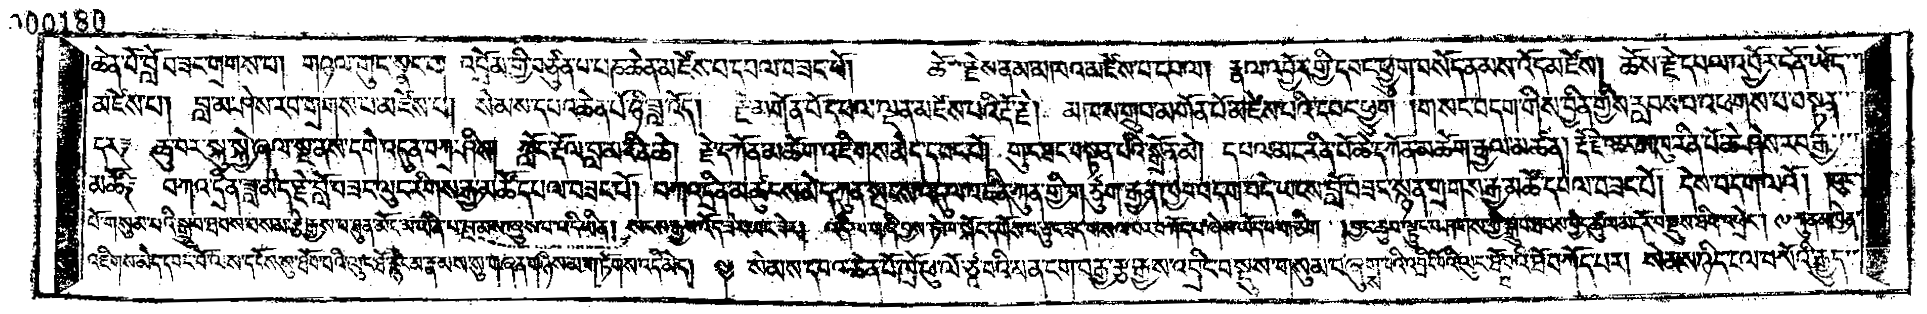ཆེན་པོ་བློ་བཟང་གྲགས་པ། གཉལ་གུང་སྣང་བ། འབྲོམ་གྱི་བཙུན་པ་པཎ་ཆེན་མཛེས་པ་དཔལ་བཟང་པོ། ཆོ་རྗེས་ནམ་མཁའ་མཛེས་པ་དཔལ། རྣལ་འབྱོར་གྱི་དབང་ཕྱུག་བསོད་ནམས་འོད་མཛེས། ཆོས་རྗེ་དཔལ་འབྱོར་དོན་ཡོད་
མཛེས་པ། བླ་མ་ཤེས་རབ་གྲགས་པ་མཛེས་པ། སེམས་དཔའ་ཆེན་པོ་ཉི་ཟླ་འོད། རྗེ་མགོན་པོ་དཔལ་ལྡན་མཛེས་པའི་རྡོ་རྗེ། མཁས་གྲུབ་མགོན་པོ་མཛེས་པའི་དབང་ཕྱུག །གསང་བདག་གིས་བྱིན་གྱིས་རླབས་པ་འཕགས་པ་བསྟན་
དར༑ ཆུ་བར་སྐུ་སྐྱེ་ཞལ་སྔ་ནས་དགེ་འདུན་བཀྲ་ཤིས། ཀློང་རྡོལ་བླ་མ་རིན་ཆེ། རྗེ་དཀོན་མཆོག་འཇིགས་མེད་དབང་པོ། གུང་ཐང་བསྟན་པའི་སྒྲོན་མེ། དཔལ་མང་རིན་པོ་ཆེ་དཀོན་མཆོག་རྒྱལ་མཚན། རྡོ་རྗེ་འཆང་ཨ་ཁུ་རིན་པོ་ཆེ་ཤེས་རབ་རྒྱ་
མཚོ༑ བཀའ་དྲིན་ཟླ་མེད་རྗེ་བློ་བཟང་ལུང་རིགས་རྒྱ་མཚོ་དཔལ་བཟང་པོ། བཀའ་དྲིན་མཚུངས་མེད་ཀུན་སྤངས་འདུལ་འཛིན་ཀུན་གྱི་གཙུག་རྒྱན་ཁྱབ་བདག་བདེ་ཡངས་བློ་བཟང་སྙན་གྲགས་རྒྱ་མཚོ་དཔལ་བཟང་པོ། དེས་བདག་ལའོ། །ཕུང་
པོ་གསུམ་པའི་སྒྲུབ་ཐབས་བསམ་རྩེ་རྒྱས་པ་ཐུན་མོང་མ་ཡིན་པ་བླ་མས་ཞུས་པ་འདི་ཡིན། སངས་རྒྱས་འོད་ཟེར་ཡང་ཟེར། འདི་ལ་གཞི་བྱས་ཏེ་ཁ་སྐོང་དགོས་པ་ཅུང་ཟད་གསལ་བར་བཀོད་པ་ཞེས་ཡོད་པ་གཅིག །བྱང་ཆུབ་ལྟུང་བཤགས་ཀྱི་སྒྲུབ་ཐབས་བྱེད་ཚུལ་མདོར་བསྡུས་ཐིག་འཕྲེང་། ༧ཀུན་མཁྱེན་
འཇིགས་མེད་དབང་པོ་ལས་དངོས་སུ་ཐོབ་པའི་ལུང་ཐོ་རྙིང་མ་རྣམས་སུ་གཞན་གཉིས་མ་གཏོགས་འདི་མེད། ༈ སེམས་དཔའ་ཆེན་པོ་ཁྲོ་ཕུ་ལོ་ཙཱ་བའི་མན་ངག་བརྒྱ་རྩ་རྒྱས་འབྲིང་བསྡུས་གསུམ་བཞུགས་པའི་འབྲིང་པོའི་ལུང་ཐོབ་པའི་ཐོ་བཀོད་པར། སེམས་ཉིད་ངལ་བསོའི་རྒྱུད་